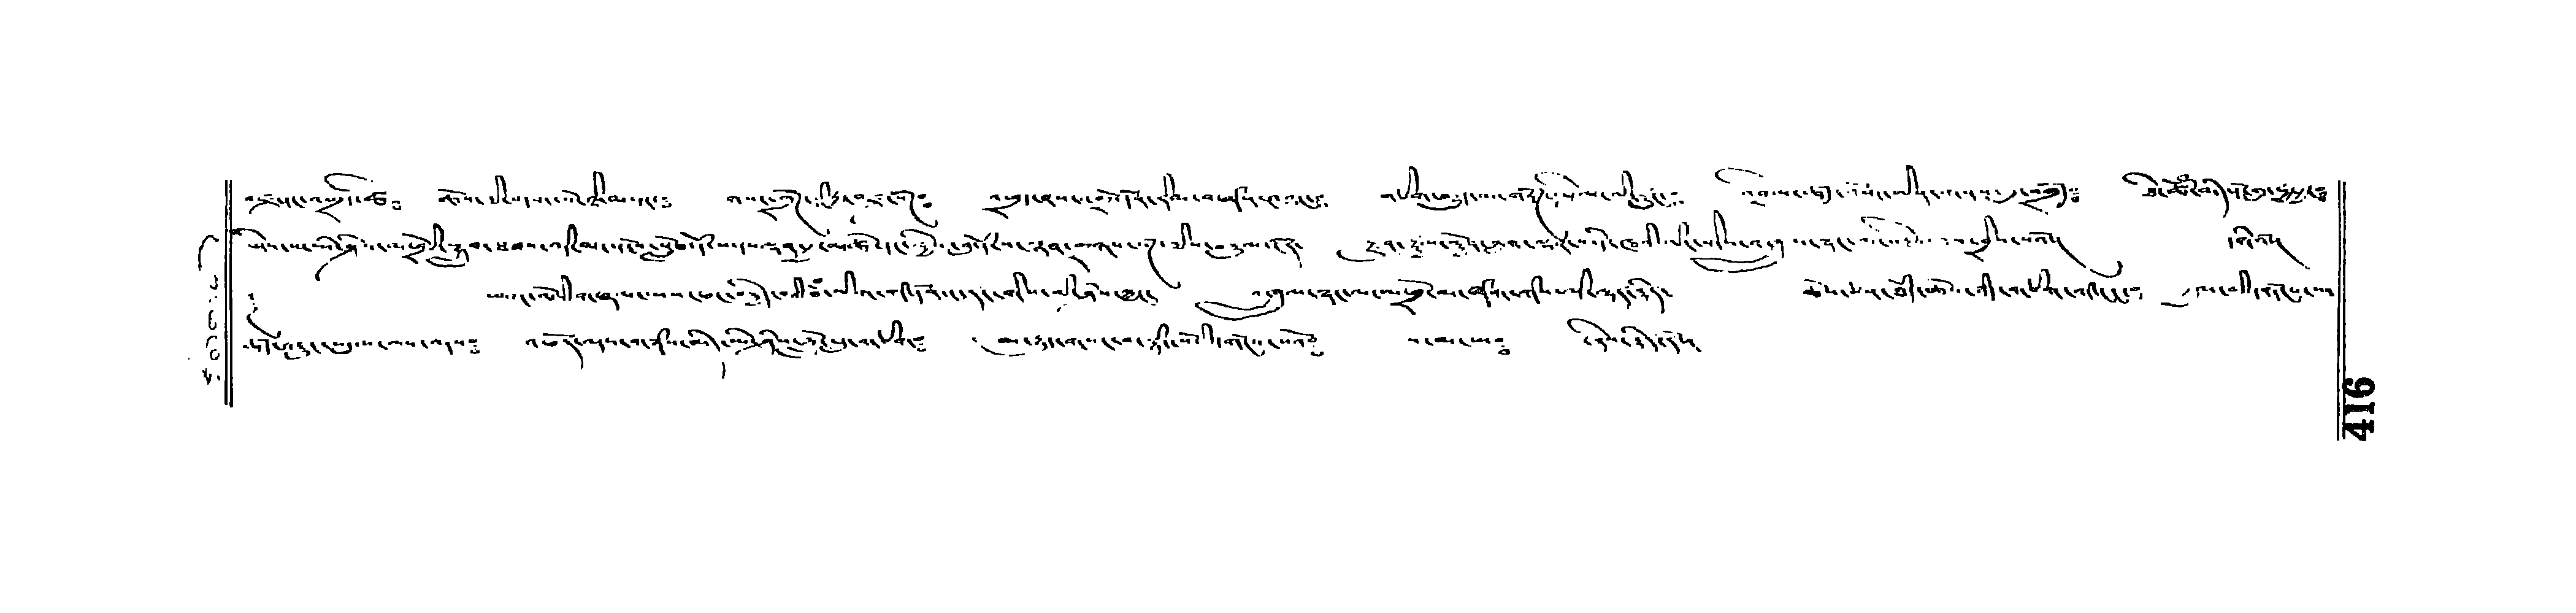བཛྲ་དང་འཕྲད་ཚེ༔ ཆོས་ཀྱི་བདག་པོ་ཉི་མ་དང༔ གསང་གྲོགས་བིདྱ་བཛྲ་སོགས༔ ཕྲད་ནས་འགྲོ་དོན་རིམ་བཞིན་འབྱུང༔ གཅིག་བརྒྱུད་མ་གཏོགས་སྤེལ་མི་རུང༔ འབྲེལ་ཚད་འོག་མིན་གནས་དུ་བགྲོད༔ ཐེ་ཚོམ་མེད་དོ་གུ་ཧྱ་རྒྱ༔ 
ཞེས་པ་ཡེ་ཤེས་མཁའ་འགྲོའི་སྒྲུབ་ཐབས་འདི་ཡང་དངོས་སློབ་དམ་པ་དཔལ་ལྡན་རྒྱ་མཚོ་དང་སྐྱེས་བུ་དམ་པ་སྙན་གྲགས་སོགས་ཀྱིས་བསྐུལ་ངོར། རྫུན་རྐྱལ་སྐྱོན་ཀུན་ལྡན་པ་དྷེ་ཝའི་མིང་གིས་འཁྲུལ་སྣང་ལ་བསྡེབས་ནས་བྲིས་པའོ།། 
༈ ཕག་མོའི་གཞལ་ཡས་ཁང་བསྐྱེད་བའི་བྃ་ཡིག་གི་དོན་ང་རང་གིས་མི་ཤེས་ཀྱང༔ འཁྲུལ་སྣང་འཁའ་འགྲོ་མ་ཞིག་གིས་འིད་ལྟར་ཟེར༔ ཆོས་ཅན་ཐམས་ཅད་ཆོས་ཉིད་གཅིག་གི་ངང༔ རྒྱལ་བའི་དགོངས་པ་
ཚད་བཟུང་ཡུལ་ལས་འདས༔ འཁོར་འདས་གཉིས་མེད་ཡེ་ཤེས་ཀློང་དུ་གཅིག༔ མ་རྒྱུད་གསང་བ་སྙིང་པོའི་དགོངས་པའོཿས་མ་ཡ༔ ཞེས་ཟེར་ར༔